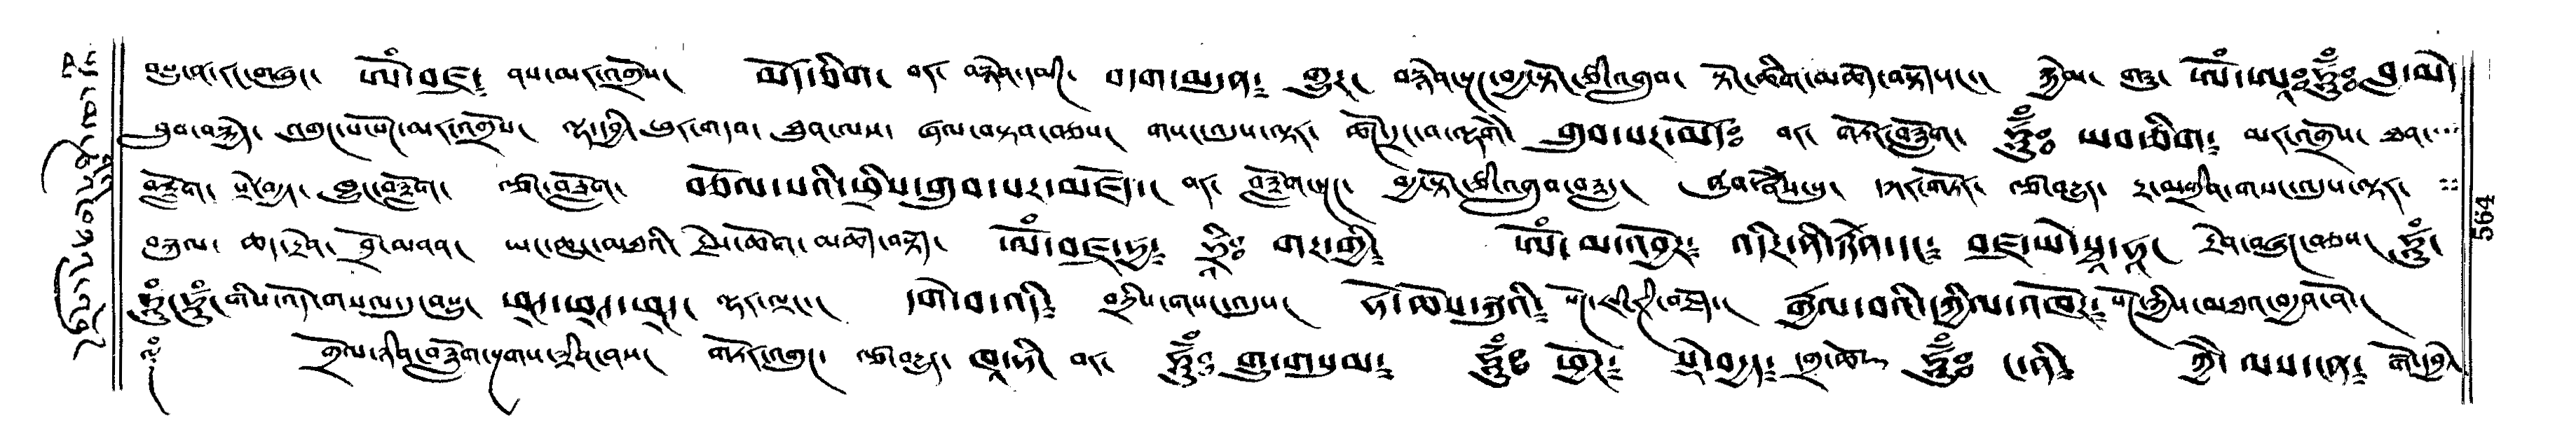བསྡུ་ན་རང་གཞུང་། ཨོཾ་བཛྲ༴ ནས་མར་འགྲོས། མཛོད་ཅིག བར། བསྙེན་དམིགས། བདག་མདུན༴ གྱུར། བསྙེན་སྔགས་བརྒྱ་སྟོང་ཅི་འགྲུབ། སྟོང་ཚིག་མཆོད་བསྟོད་དང་། སྐྱེམས། གཟུ། ཨོཾ་ཨཱཿཧཱུྃཿ བླ་མེད༴ 
བྲུབ་བསྐྱེད། འགུགས་པ་སོགས་མར་འགྲོས། ལྷ་དབྱེ། ཕུར་གདབ། ཐུན་ལས། ཞལ་བསྟབ་བཅས། གསང་འདུས་ལྟར། ཚོགས་དྲང་ལྷག་མ། འགྲུབ་པར་མཛོདཿ བར། གཏོར་བཟློག ཧཱུྃཿ ཡབ་ཅིག༴ མར་འགྲོས། ཐན་
བཟློག སྡེར་བརྒྱད། ཁྱུང་བཟློག རྩང་བཟློག བཅོལ་པའི་ཕྲིན་ལས་གྲུབ་པར་མཛོད། བར། བཟློག་སྔགས། བརྒྱ་སྟོང་ཅི་འགྲུབ་བཟླ།ནུབ་རྣམས་སུ། དཀར་གཏོར། རྩ་བརྒྱུད། རྟ་མགྲིན་གསང་འདུས་ལྟར། 
བསྐུལ། ཆད་བརྟན། བྲོ་མནན། ཡང་ཆུང་མཐའི། རྗེས་ཆོག་མཆོད་བསྟོད། ཨོཾ་བཛྲ་ཧྱ༴ ཧྲཱིཿ གར་གྱི༴ ཨོཾ་མ་འབྱོར༴ འདིར་ནི་རྟེན་དང་༴ བཛྲ་ཡེ་སྭ་ཧཱ། རྟེན་བཞུགས་བཅས། ཧཱུྃ་
ཧཱུྃ་ཧཱུྃ་གིས་འོད་གསལ་དུ་བསྡུ། ཕཊ་ཕཊ་ཕཊ། ལྷར་ལྡང་། དགེ་བ་འདི༴ བཀྲ་ཤིས་གསང་འདུས། ཧོ༔ཆོས་སྐུའི༴ སོགས་ཇི་རིགས་བརྗོད། རྒྱལ་བའི་དཀྱིལ་འཁོར༴ སོགས་ཀྱིས་མཐའ་བརྒྱན་ནོ།
 ༈ གྲོལ་ཉིན་བཟློག་སྔགས་ཟིན་ནས། གཏོར་འགུགས། རྩ་བརྒྱུད། ཁཱ་ཧི། བར། ཧཱུྃཿ གྲུ་གསུམ༴ ཧཱུྃཿ ཕྱོགས༴ སྡེ་བརྒྱད༴ དགྲ་ཆོས། ཧཱུྃཿ ང་ནི༴ ཀྱཻ། ལས་ངན༴ སྒོ་དབྱེ་